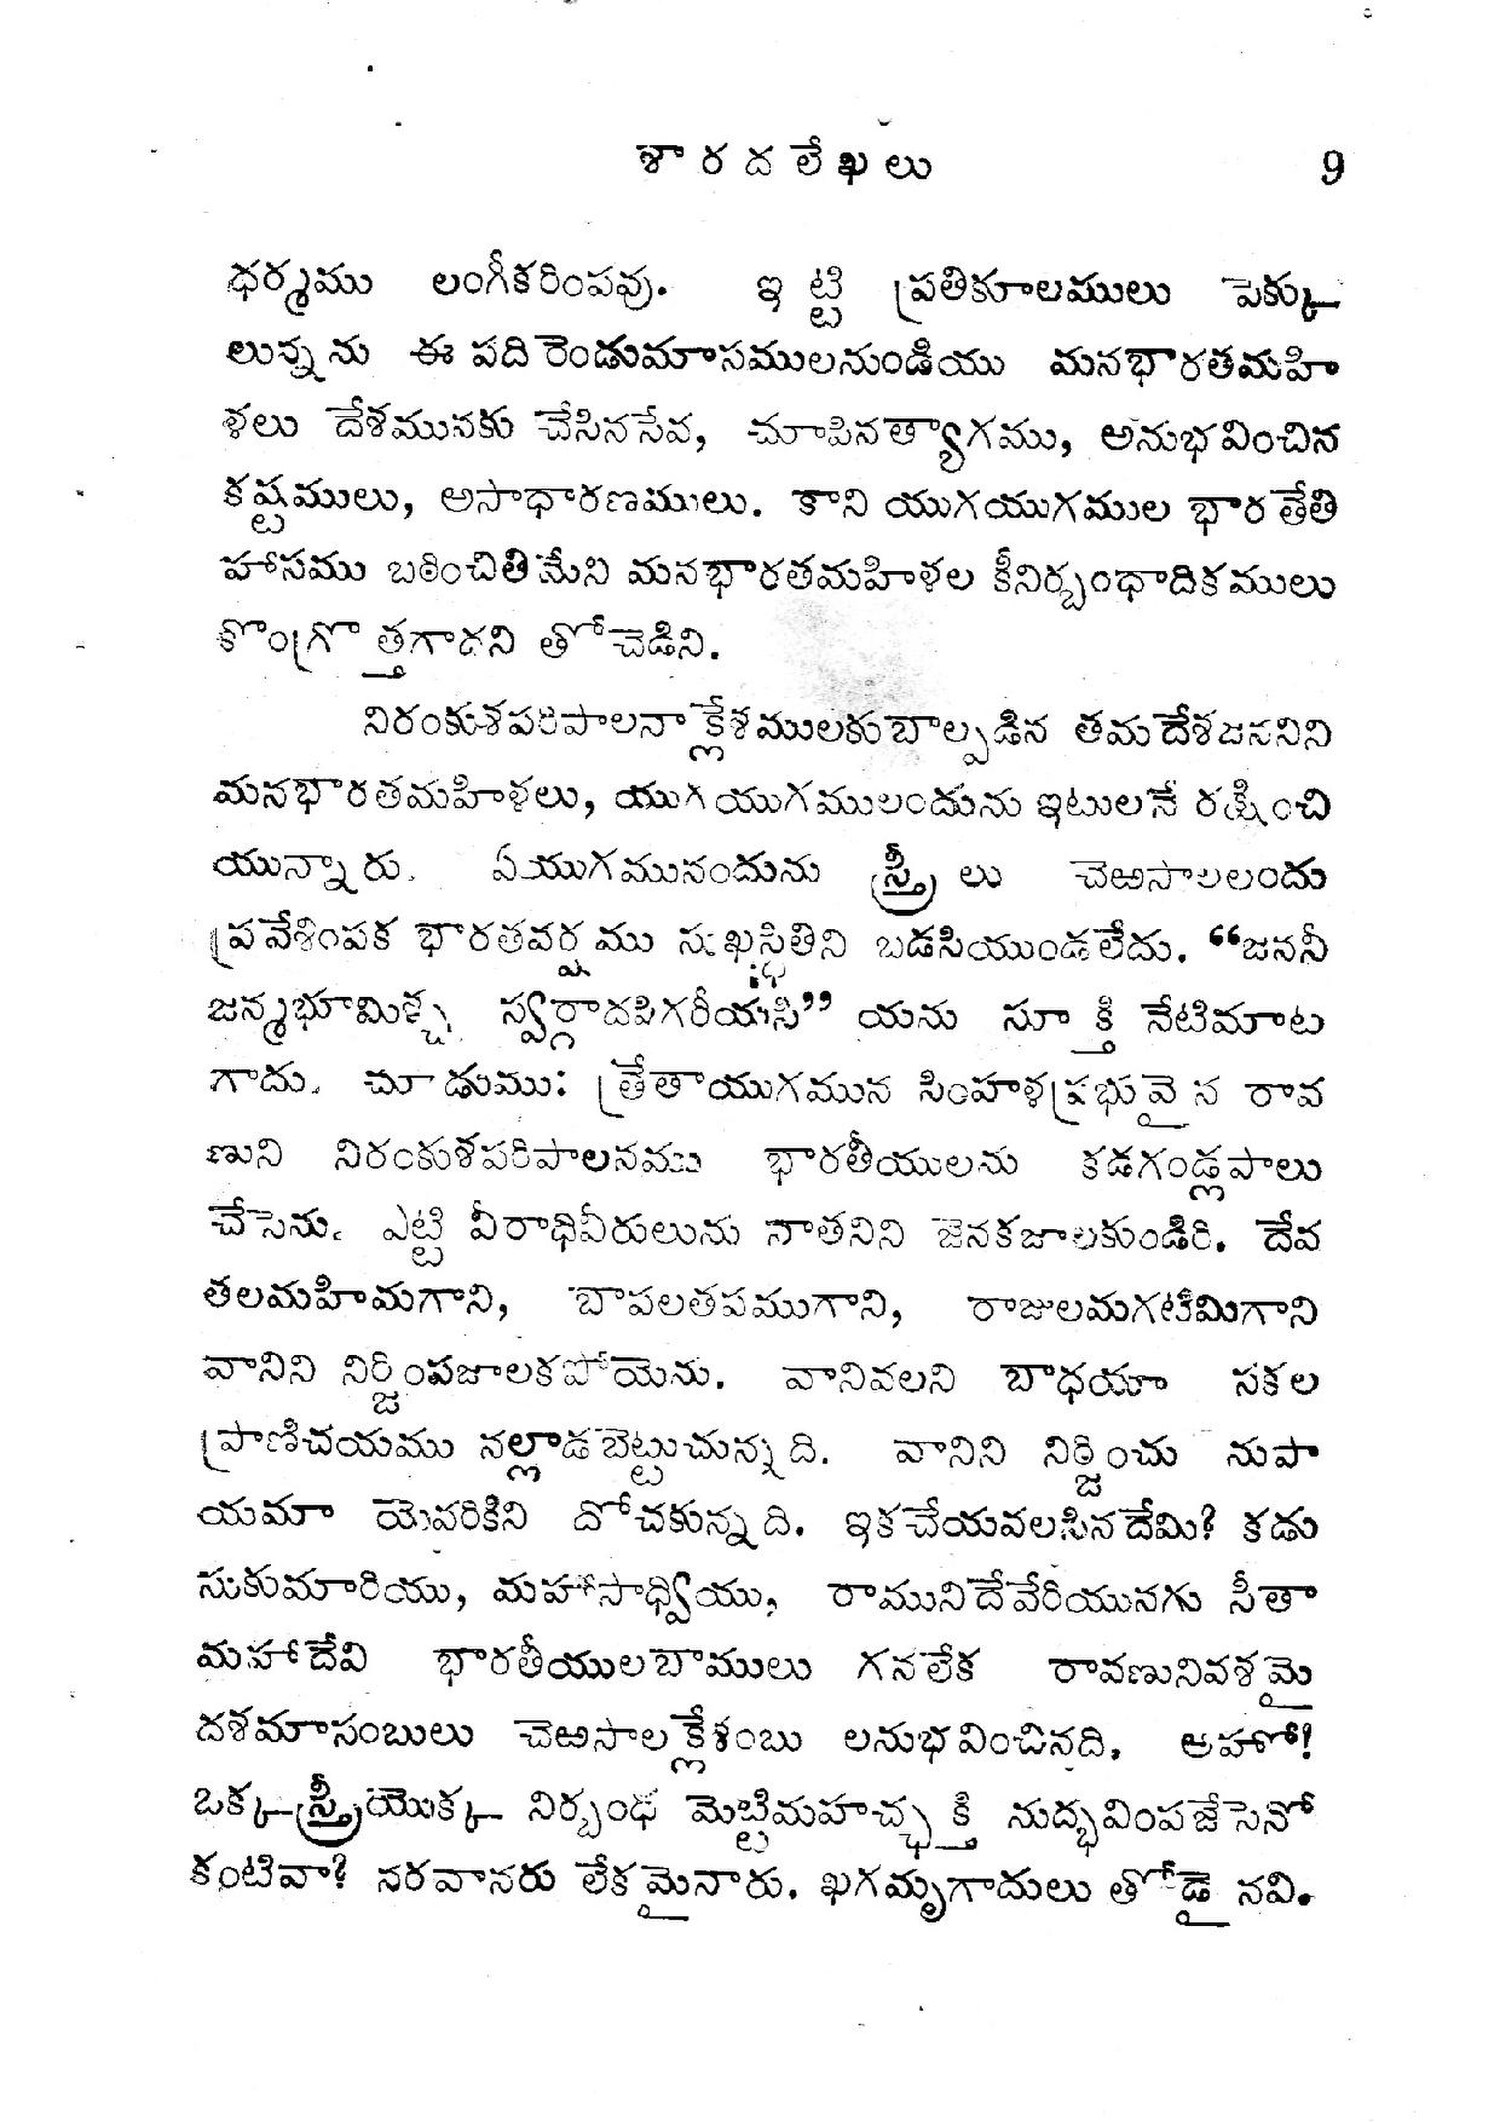ధర్మము లంగీకరింపవు. ఇట్టి ప్రతికూలములు "పెక్కు
లున్నను ఈ పది రెండుమాసములనుండియు మనభారతమహి
ళలు దేశమునకు చేసినసేవ, చూపిన త్యాగము, అనుభ వించిన
కష్టములు, అసాధారణములు. కాని యుగయుగముల భారతేతి
హాసము బఠించితిమేని మనభారతమహిళల కీనిర్బంధాదికములు
కొంగ్రో త్తగాదని తోచెడిని.

నిరంకుశపరిపాలనా క్లేశములకు బాల్పడిన తమ దేశ జననిని
మనభారతమహిళలు, యుగ యుగములందును ఇటులనే రక్షించి
యున్నారు. ఏయుగమునందును స్త్రీలు చెరసాలలందు 
ప్రవేశింపక భారతవర్షము సుఖస్ధితిని బడసియుండలేదు. “జననీ
జన్మభూమిశ్చ స్వర్గాదపిగరీయసి” యను సూక్తి నేటిమాట
గాదు, చూడుము: త్రేతాయుగమున సింహళప్రభువైన రావ
ణుని నిరంకుశపరిపాలనము భారతీయులను కడగండ్లపాలు
చేసెను. ఎట్టి వీరాధివీరులును నాతనిని జెనకజాలకుండిరి. దేవ
తలమహిమగాని, బాపలతపముగాని, రాజులమగటిమిగాని
వానిని నిర్జింపజాలకపోయెను. వానివలని బాధయా సకల
ప్రాణిచయము నల్లాడ బెట్టుచున్నది. వానిని నిర్జించు నుపా
యమా యెవరికిని దోచుకున్నది. ఇక చేయవలసినదేమి? కడు
సుకుమారియు, మహాసాధ్వియు, రామునిదేవేరియునగు సీతా
మహాదేవి భారతీయుల బాములు గనలేక రావణునివశమై
దశమాసంబులు చెఱసాల క్లేశంబు లనుభవించినది, అహో!
ఒక్క స్త్రీయొక్క నిర్బంధ మెట్టిమహచ్ఛక్తి నుద్భవింపజేసెనో
కంటివా? నరవానరు లేకమైనారు. ఖగమృగాదులు తోడై నవి.